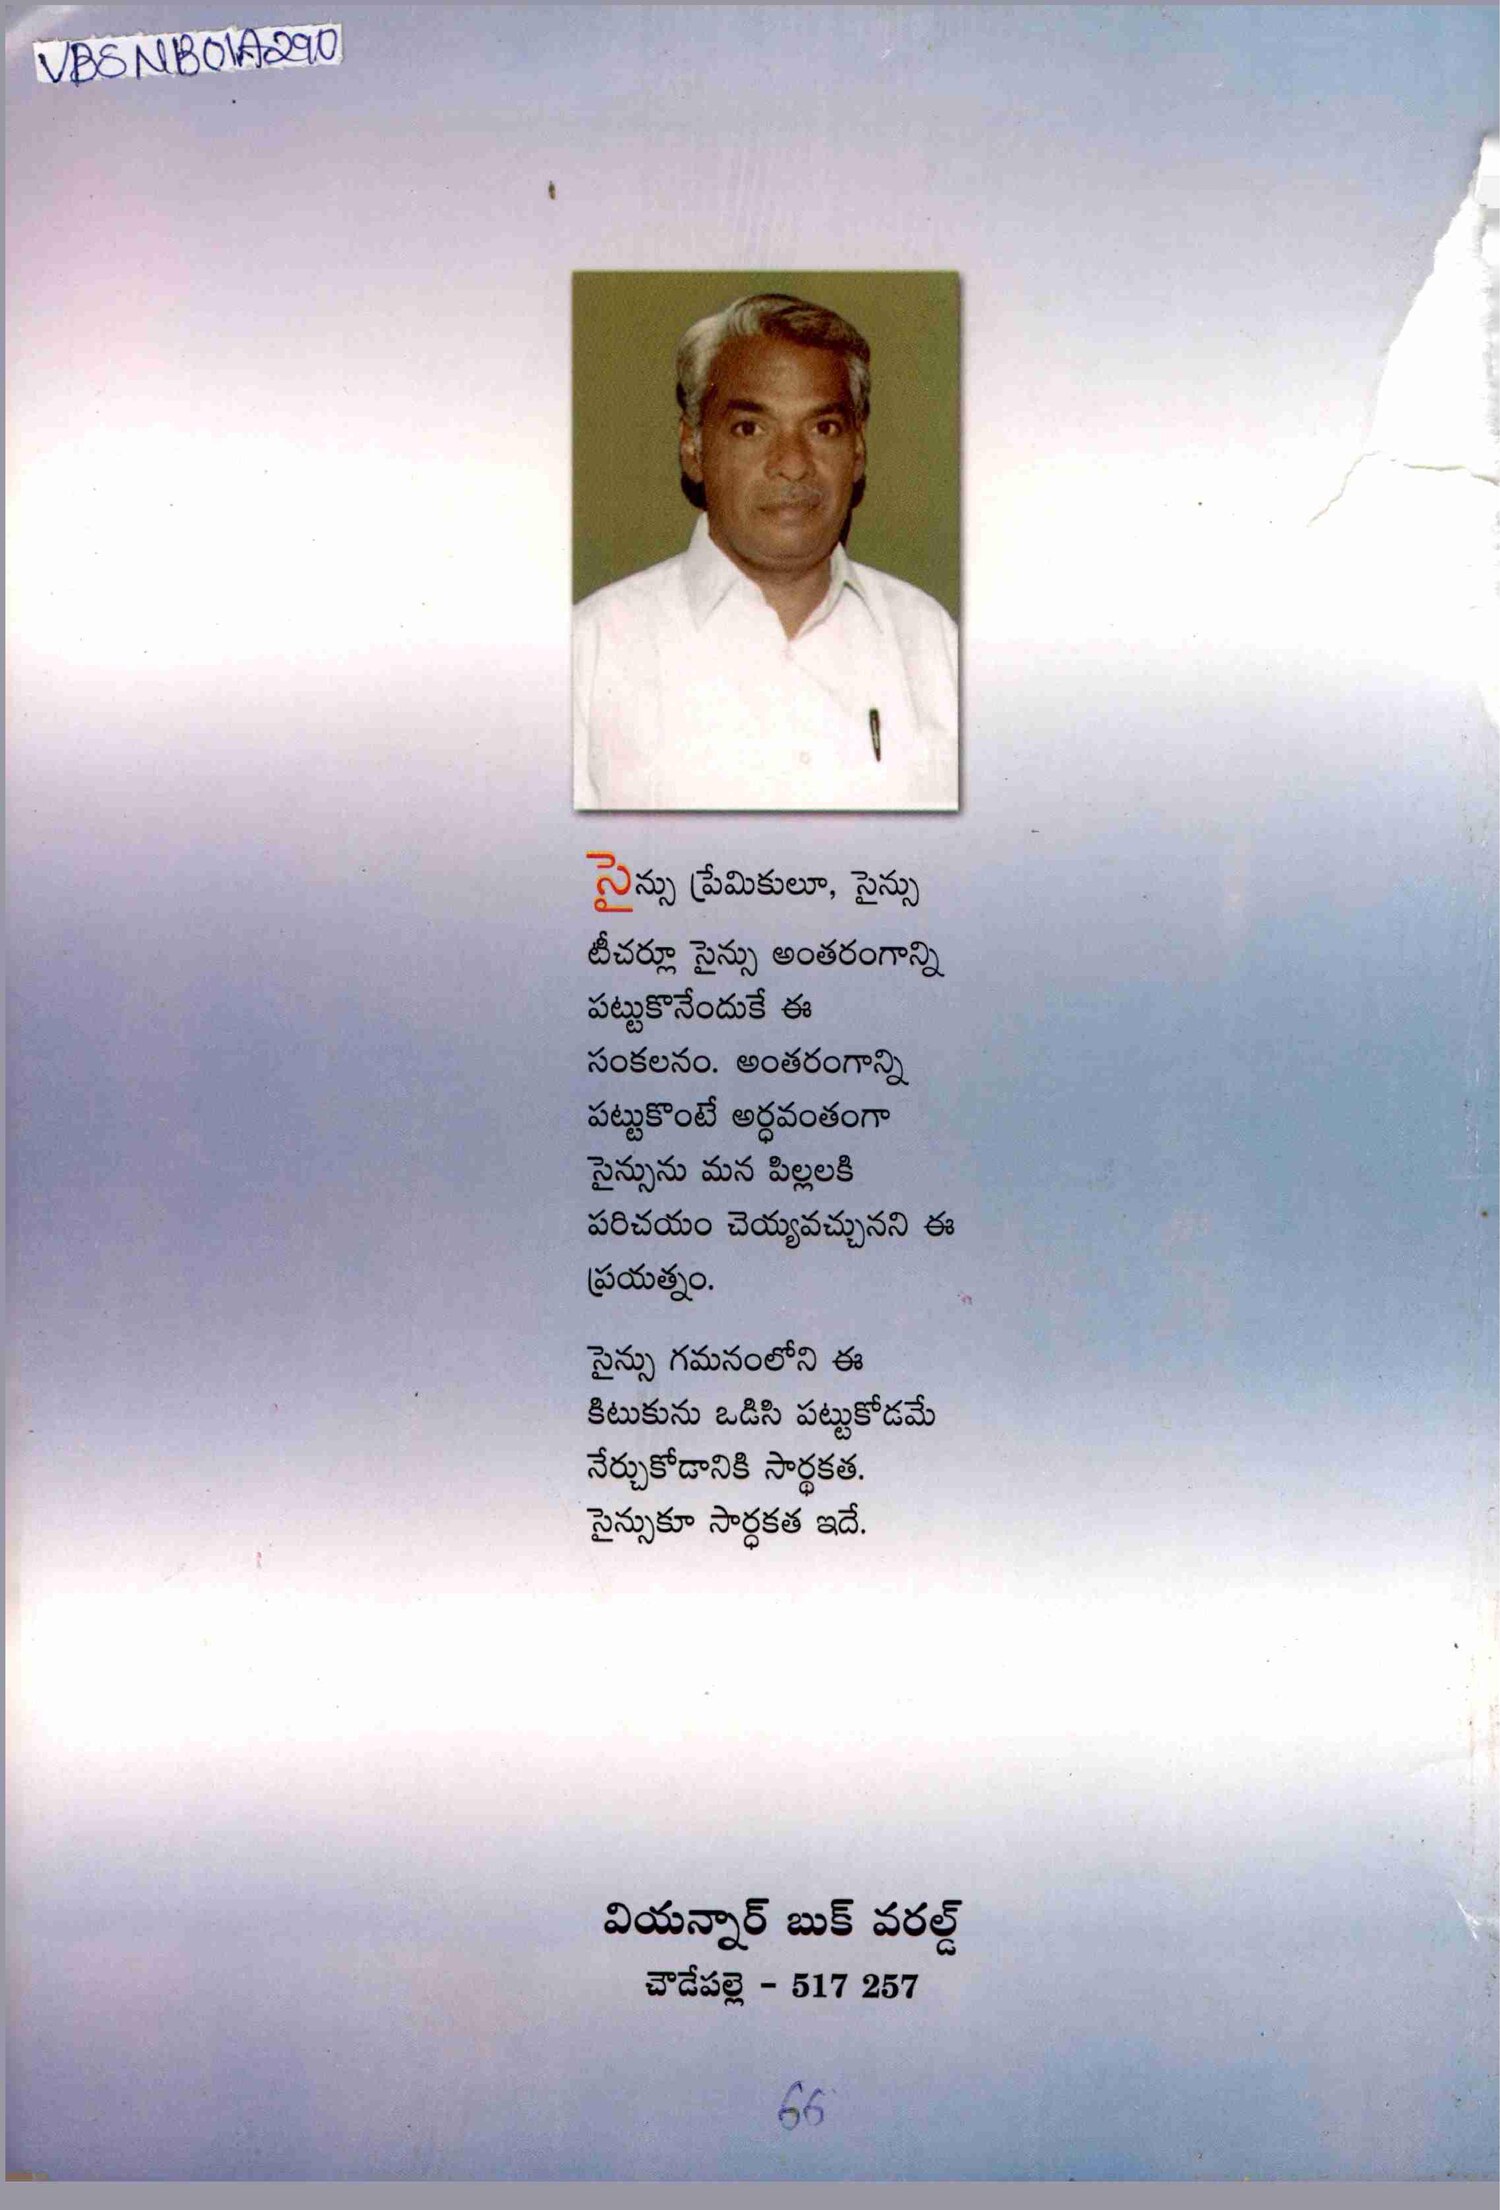సైన్సు ప్రేమికులూ, సైన్సు టీచర్లూ సైన్సు అంతరంగాన్ని పట్టుకొనేందుకే ఈ సంకలనం. అంతరంగాన్ని పట్టుకొంటే అర్ధవంతంగా సైన్సును మన పిల్లలకి పరిచయం చెయ్యవచ్చునని ఈ ప్రయత్నం.

సైన్సు గమనంలోని ఈ కిటుకును ఒడిసి పట్టుకోడమే నేర్చుకోడానికి సార్థకత. సైన్సుకూ సార్ధకత ఇదే.

వియన్నార్ బుక్ వరల్డ్
చౌడేపల్లె - 517 257